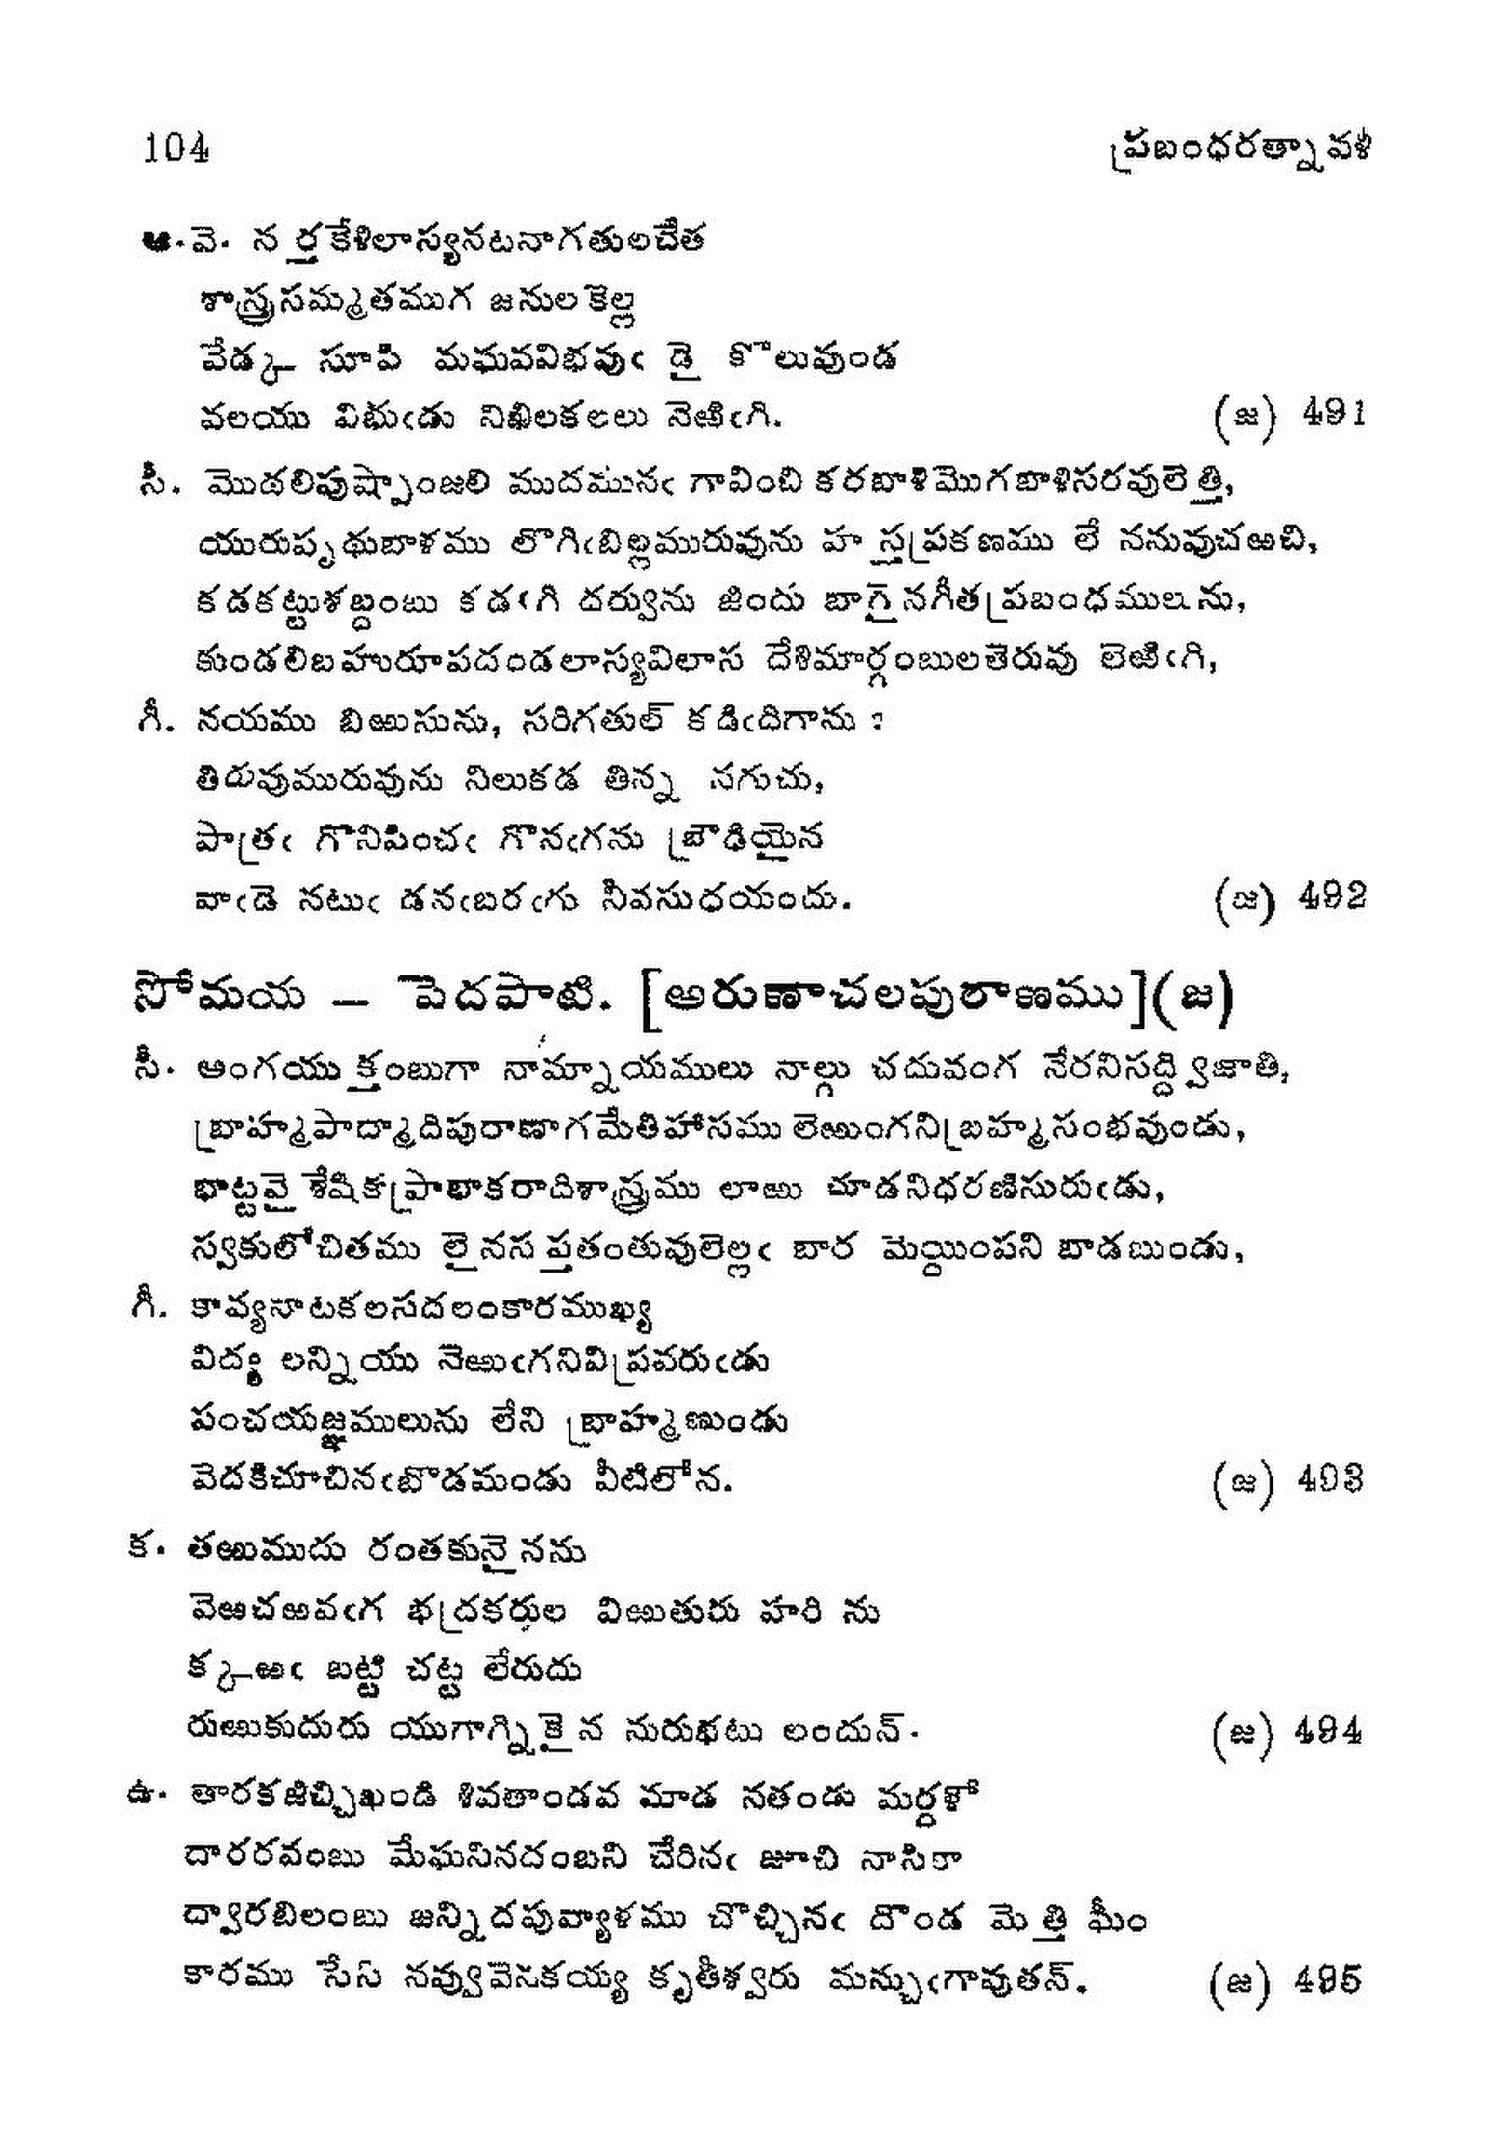ఆ. నర్తకేళిలాస్య నటనాగతులచేత
శాస్త్రసమ్మతముగ జనులకెల్ల
వేడ్క సూపి మఘవవిభవుఁడై కొలువుండ
వలయు విభుఁడు నిఖిలకళలు నెఱిఁగి. (జ) 491

సీ. మొదలిపుష్పాంజలి ముదమునఁ గావించి కరబాళిమొగబాళి సరవులెత్తి,
యురుపృథుబాళము లొగిఁబిల్లమురువును హస్తప్రకణము లే ననువుచఱచి,
కడకట్టుశబ్దంబు కడఁగి దర్వును జిందు బాగైన గీతప్రబంధములును,
కుండలి బహురూపదండలాస్యవిలాస దేశిమార్గంబుల తెరువులెఱిఁగి,
గీ. నయము బిఱుసును, నరిగతుల్ కడిఁది గాను
తిరువుమురువును నిలుకడ తిన్ననగుచు,
పాత్రఁ గొనిపించఁ గొనఁగను బ్రౌఢియైన
వాఁడె నటుఁడనఁబరఁగు నీ వసుధయందు. (జ) 492

సోమయ, పెదపాటి [అరుణాచలపురాణము] (జ)
సీ. అంగయుక్తంబుగా నామ్నాయములు నాల్గు చదువంగ నేరని సద్ద్విజాతి,
బ్రాహ్మపాద్మాదిపురాణాగమేతిహా సములెఱుంగని బ్రహ్మసంభవుండు
భాట్టవైశేషిక ప్రాభాకరాది శా స్త్రములాఱు చూడని ధరణిసురుఁడు
స్వకులోచితములైన సప్తతంతువులెల్లఁ బార మెయ్దింపని బాడబుండు
తే. కావ్యనాటక లసదలంకార ముఖ్య
విద్యలన్నియు నెఱుగని విప్రవరుఁడు
పంచయజ్ఞంబులును లేని బ్రాహ్మణుండు
వెదకిచూచినఁ బొడమండు వీటిలోన. (జ) 493

క. తఱుముదు రంతకునైనను
వెఱచఱవఁగ భద్రకరుల విఱుతురు హరి ను
క్కఱఁబట్టి చట్ట లేరుదు
రుఱుకుదురు యుగాగ్నినైన నురుభటులందున్. (జ) 494

ఉ. తారకజిచ్ఛిఖండి శివతాండవమాడ నతండు మర్దళో
దార రవంబు మేఘ నినదంబని చేరినఁజూచి నాసికా
ద్వారబిలంబు జన్నిదపు వ్యాళము చొచ్చినఁ దొండమెత్తి ఘీం
కారము సేసి నవ్వువెనకయ్య కృతీశ్వరు మన్చుఁగావుతన్. (జ) 495